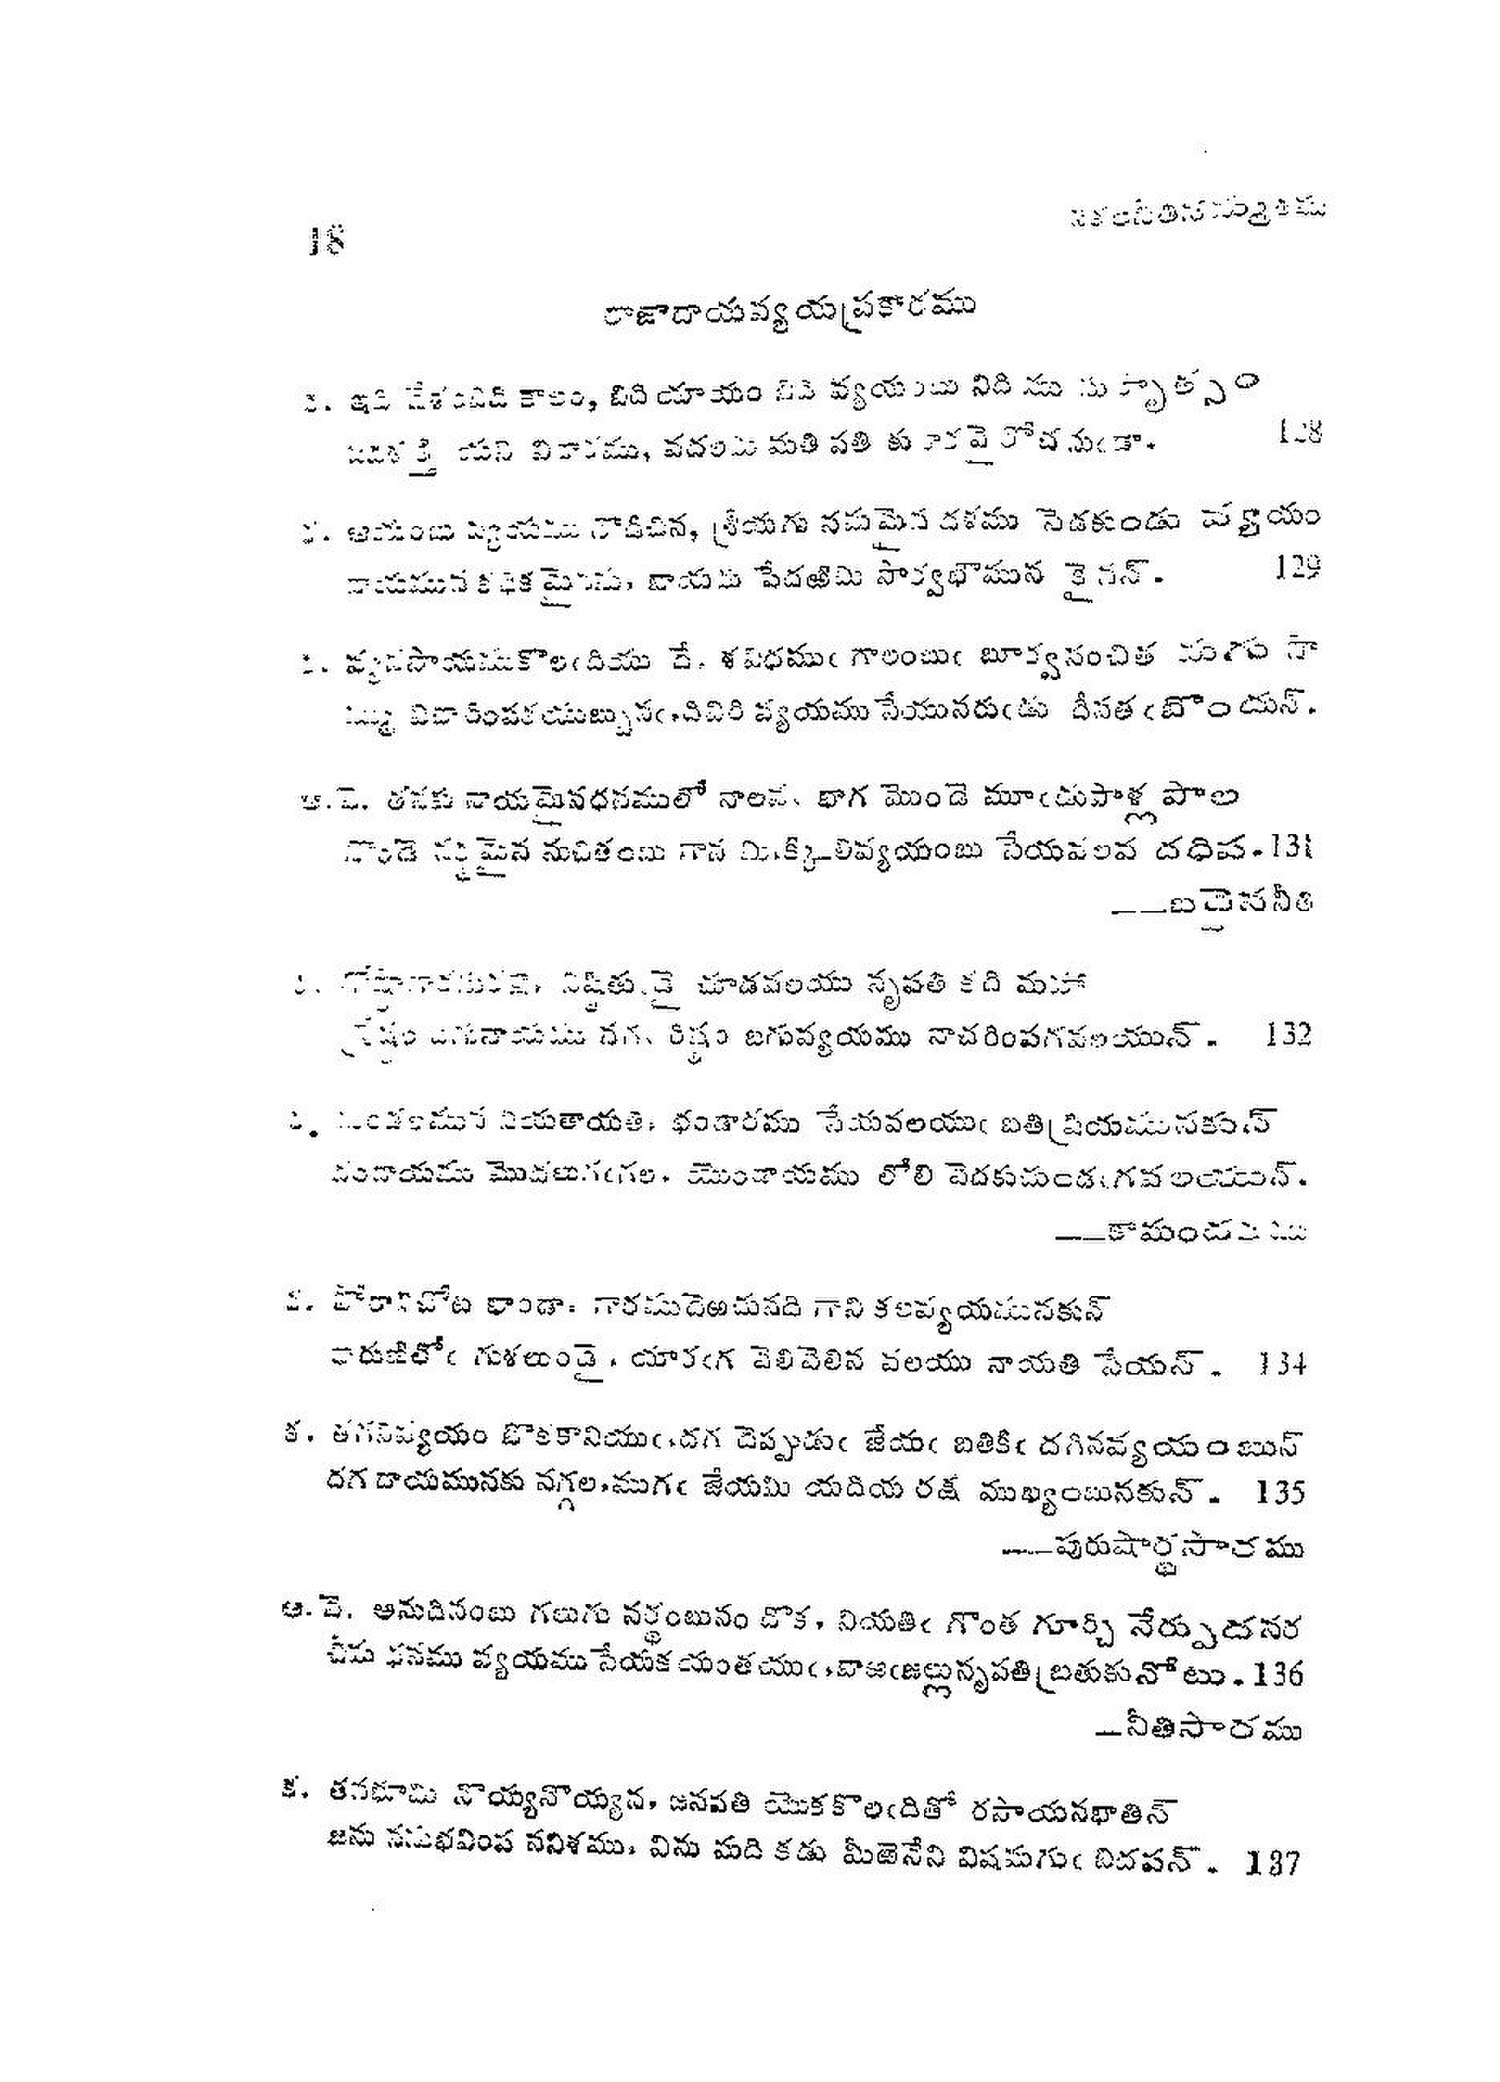క. ఇది దేశంబిది కాలం
బిది యాయం బిది వ్యయంబు నిదియు సుహృత్సం
పదశక్తి యని విచారము
వదలదు మతి పతి కుఠారవైరోచనుఁడా. 128

క. ఆయంబు వ్యము నొడిచు
శ్రీయగు సమమైన దళము సెడకుండు వ్యయం
బాయమున కధికమైనను
బాయదు పేదఱిమి సార్వభౌమున కైనన్. 129

క. వ్యవసాయముకొలఁదియు దే
శవిధిముఁ గాలంబుఁ బూర్వసంచిత మగు సొ
మ్ము విచారింపక యుబ్బునఁ
దివిరి వ్యయము సేయు నరుఁడు దీనతఁ బొందున్. 130

ఆ. తనకు నాయమైన ధనములో నాలవ
భాగ మొండె మూఁడుపాళ్ల పాల
నొండె నర్థమైన నుచితంబు గాన మి
క్కిలివ్యయంబు సేయవలవ దధిప. 131

క. గోష్ఠాగారసురక్షా
నిష్ఠితుఁడై చూడవలయు నృపతి కది మహా
శ్రేష్ఠం బగునాయము నగ
రిష్ఠం బగువ్యయము నాచరింపగవలయున్. 132

క. మండలమున నియతాయతి
భండారము సేయవలయుఁ బతిప్రియమునకున్
దండాయము మొదలుగఁగల
యొండాయము లోలి వెదకుచుండఁగవలయున్. 133

క. పోరానిచోట భాండా
గారము దెఱచునది గాని కలవ్యయమునకున్
ధారుణిలోఁ గుశలుండై
యారఁగ వెలివెలిన వలయు నాయతి సేయన్. 134

క. తగనివ్యయం బొకకానియుఁ
దగ దెప్పుడుఁ జేయఁ బతికిఁ దగినవ్యయంబున్
దగ దాయమునకు నగ్గల
ముగఁ జేయమి యదియ రక్ష ముఖ్యంబునకున్. 135

ఆ. అనుదినంబు గలుగు నర్థంబునం దొక
నియతిఁ గొంత గూర్చి నేర్పు దనర
చీమ ధనము వ్యయము సేయక యంతయుఁ
బాఱుఁ జల్లు నృపతి బ్రతుకునోటు. 136

క. తనభూమి నొయ్యనొయ్యన
జనపతి యొకకొలఁదితో రసాయనభాతిన్
జను నుభవింప ననిశము
విను మది కడు మీఱెనేని విషమగుఁ బిదపన్. 137